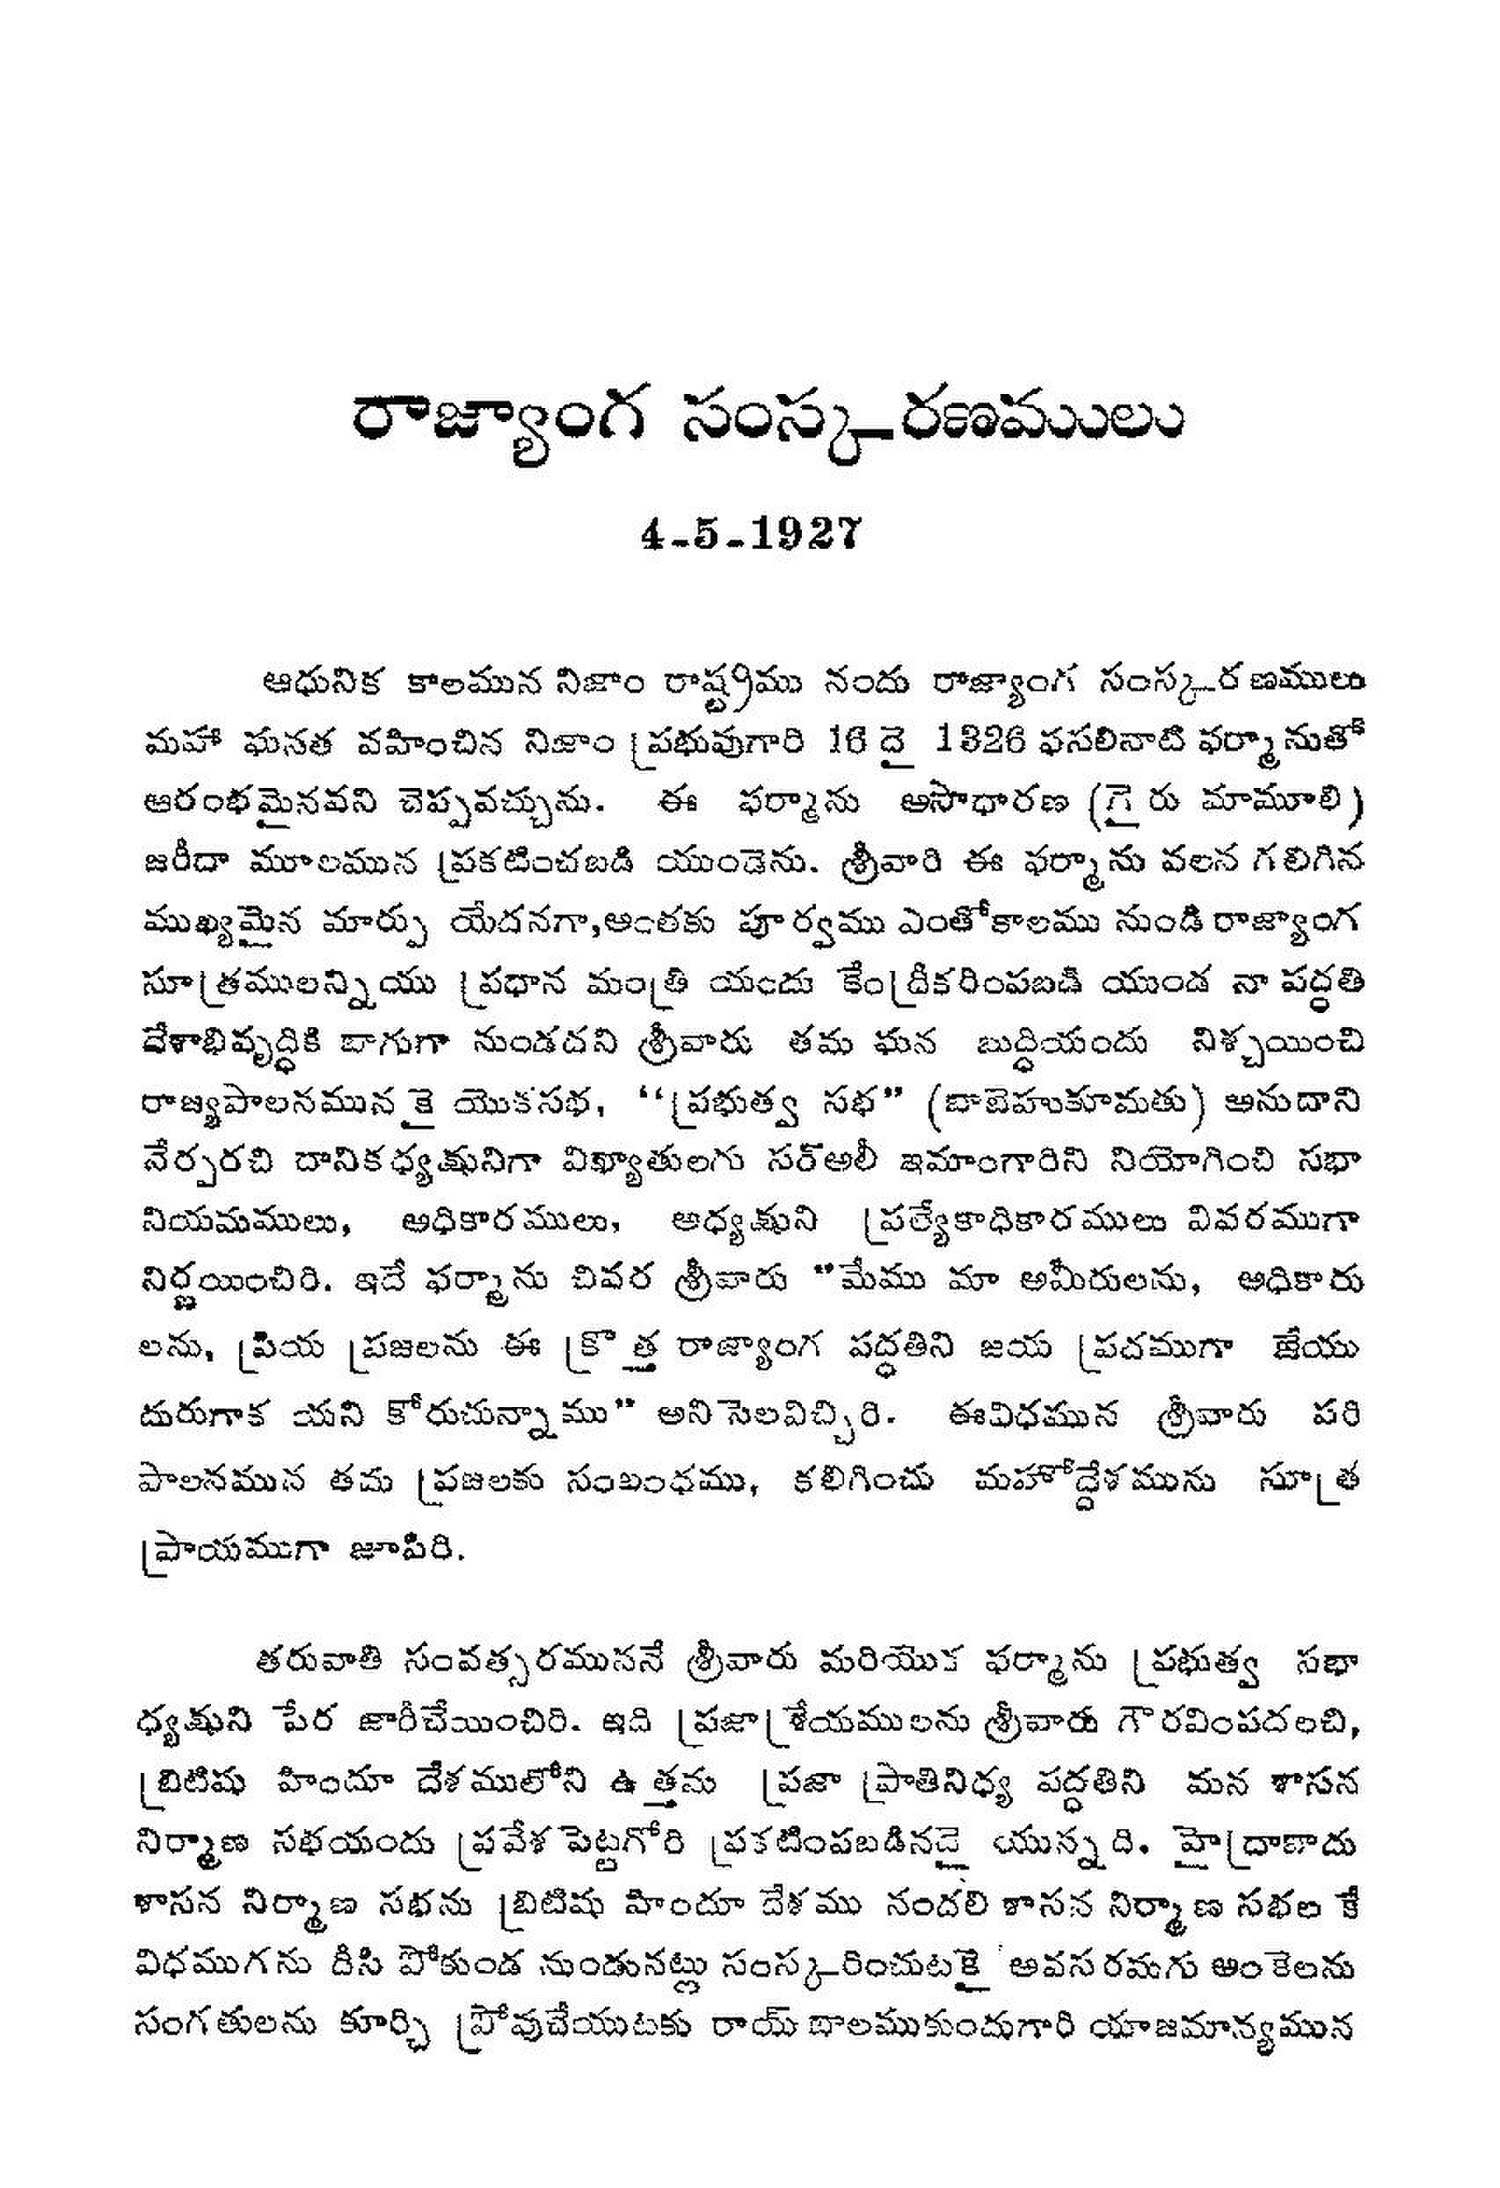రాజ్యాంగ సంస్కరణములు

4-5-1927

ఆధునిక కాలమున నిజాం రాష్ట్రము నందు రాజ్యాంగ సంస్కరణములు మహా ఘనత వహించిన నిజాం ప్రభువుగారి 16 దై 1326 ఫసలినాటి ఫర్మానుతో ఆరంభమైనవని చెప్పవచ్చును. ఈ ఫర్మాను అసాధారణ (గైరు మామూలి) జరీదా మూలమున ప్రకటించబడి యుండెను. శ్రీవారి ఈ ఫర్మాను వలన గలిగిన ముఖ్యమైన మార్పు యేదనగా, అంతకు పూర్వము ఎంతోకాలము నుండి రాజ్యాంగ సూత్రములన్నియు ప్రధాన మంత్రి యందు కేంద్రీకరింపబడి యుండ నా పద్ధతి దేశాభివృద్ధికి బాగుగా నుండదని శ్రీవారు తమ ఘన బుద్ధియందు నిశ్చయించి
రాజ్యపాలనమునకై యొకసభ, "ప్రభుత్వ సభ” (బాబెహుకూమతు) అనుదాని నేర్పరచి దానికధ్యక్షునిగా విఖ్యాతులగు సర్ అలీ ఇమాంగారిని నియోగించి సభానియమములు, అధికారములు, అధ్యక్షుని ప్రత్యేకాధికారములు వివరముగా నిర్ణయించిరి. ఇదే ఫర్మాను చివర శ్రీవారు "మేము మా అమీరులను, అధికారులను, ప్రియ ప్రజలను ఈ క్రొత్త రాజ్యాంగ పద్ధతిని జయ ప్రదముగా జేయుదురుగాక యని కోరుచున్నాము" అని సెలవిచ్చిరి. ఈవిధమున శ్రీవారు పరిపాలనమున తమ ప్రజలకు సంబంధము, కలిగించు మహోద్దేశమును సూత్రప్రాయముగా జూపిరి.

తరువాతి సంవత్సరముననే శ్రీవారు మరియొక ఫర్మాను ప్రభుత్వ సభాధ్యక్షుని పేర జారీచేయించిరి. ఇది ప్రజా శ్రేయములను శ్రీవారు గౌరవింపదలచి, బ్రిటిషు హిందూ దేశములోని ఉత్తము ప్రజా ప్రాతినిధ్య పద్ధతిని మన శాసన
నిర్మాణ సభయందు ప్రవేశ పెట్టగోరి ప్రకటింపబడినదై యున్నది. హైద్రాబాదు శాసన నిర్మాణ సభను బ్రిటిషు హిందూ దేశము నందలి శాసన నిర్మాణ సభల కేవిధముగను దీసి పోకుండ నుండునట్లు సంస్కరించుటకై అవసరమగు అంకెలను సంగతులను కూర్చి ప్రోవుచేయుటకు రాయ్ బాలముకుందుగారి యాజమాన్యమున